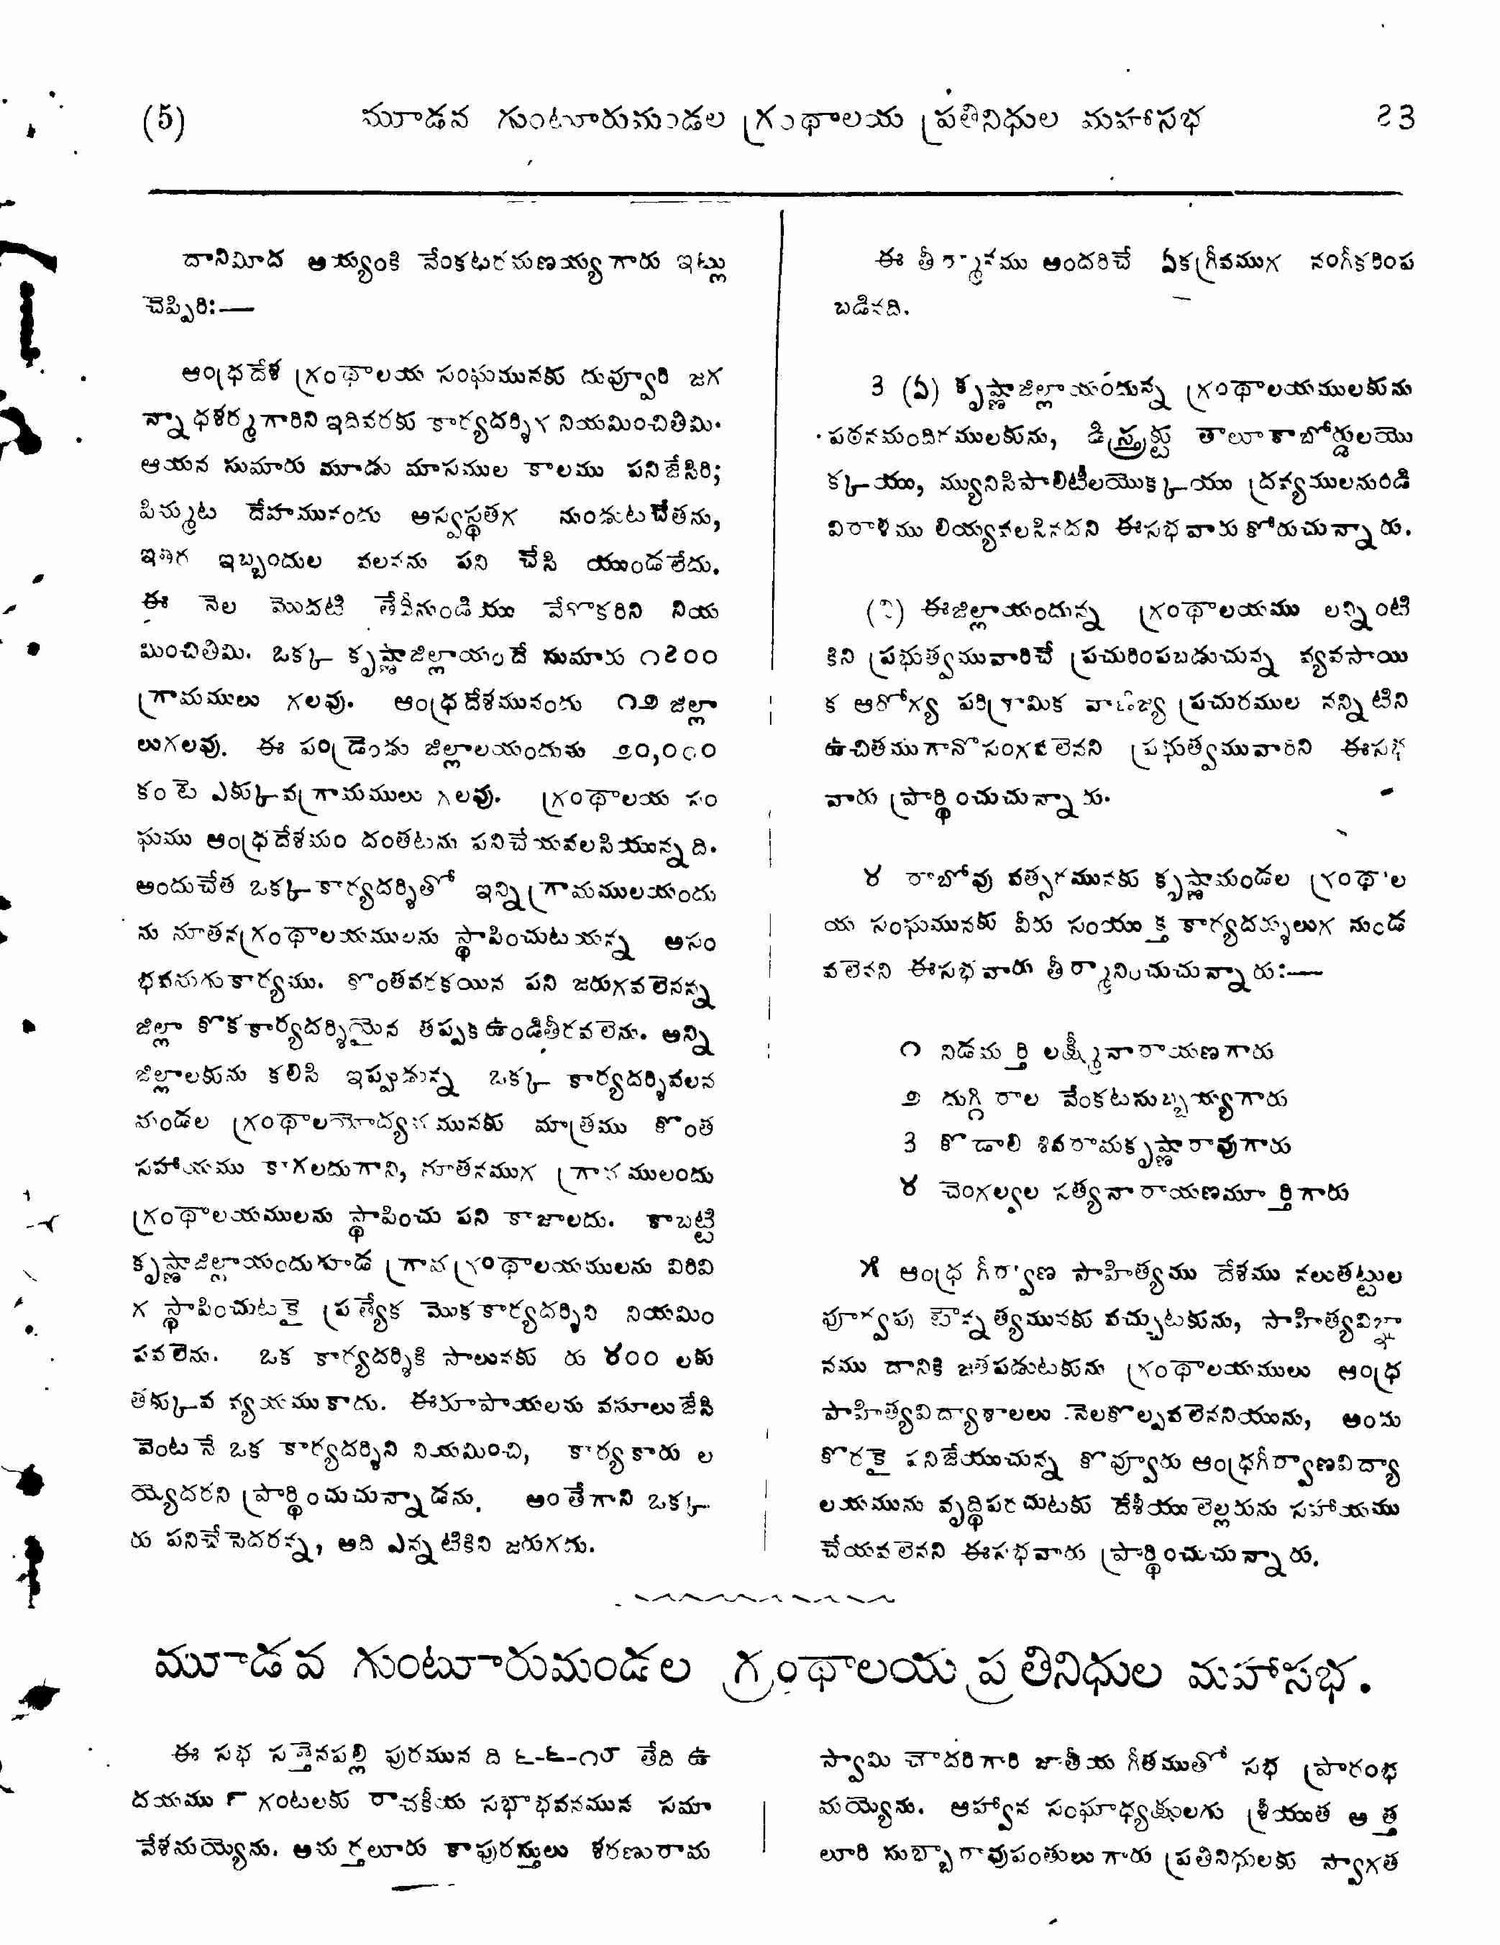దానిమీద అయ్యంకి వెంకటరమణయ్య గారు ఇట్లు చెప్పిరి:౼

ఆంధ్రదేశ గ్రంథాలయ సంఘమునకు దువ్వూరి జగన్నాధశర్మగారిని ఇదివరకు కార్యదర్శిగ నియమించితిమి. ఆయన సుమారు మూడు మాసముల కాలము పనిజేసిరి; పిమ్మట దేహమునందు అస్వస్థతగ నుండుట చేతను, ఇతర ఇబ్బందుల వలనను పని చేసి యుండలేదు. ఈ నెల మొదటి తేదీనుండియు వేరొకరిని నియమించితిమి. ఒక్క కృష్ణాజిల్లాయందే సుమారు ౧౭౦౦
గ్రామములు గలవు. ఆంధ్రదేశమునందు ౧౨ జిల్లాలుగలవు. ఈ పండ్రెండు జిల్లాలయందుకు ౨౦,౦౦౦ కంటె ఎక్కువగ్రామములు గలవు. గ్రంథాలయ సంఘము ఆంధ్రదేశమందంతటను పనిచేయవలసియున్నది. అందుచేత ఒక్క కార్యదర్శితో ఇన్ని గ్రామములయందును నూతనగ్రంథాలయములను స్థాపించుటయున్న అసంభవనుగుకార్యము. కొంతవరకయిన పని జరుగవలెనన్న
జిల్లా కొక కార్యదర్శియైన తప్పక ఉండితీరవలెను. అన్ని జిల్లాలకును కలిసి ఇప్పుడున్న ఒక్క కార్యదర్శివలన మండల గ్రంథాలయోద్యమమునకు మాత్రము కొంత సహాయము కాగలదుగాని, నూతనముగ గ్రామములందు గ్రంథాలయములను స్థాపించు పని కాజాలదు. కాబట్టి కృష్ణాజిల్లాయందుగూడ గ్రామగ్రంథాలయములను విరివిగ స్థాపించుటకై ప్రత్యేక మొకకార్యదర్శిని 
నియమింవలెను. ఒక కార్యదర్శికి సాలువకు రు ౪౦౦ లకు తక్కువ వ్యయము కాదు. ఈరూపాయలను వసూలు జేసి వెంటనే 
ఒక కార్యదర్శిని నియమించి, కార్యకారులయ్యెదరని ప్రార్థించుచున్నాడను. అంతేగాని ఒక్కరు పనిచేసెదరన్న, అది ఎన్నటికిని జరుగదు.

ఈ తీర్మానము అందరిచే ఏకగ్రీవముగ నంగీకరింపబడినది.

3 (ఏ) కృష్ణాజిల్లా యందున్న గ్రంథాలయములకును పఠనమందిరములకును, డిస్ట్రిక్ట్ తాలూకా బోర్డులయొక్కయు, మ్యునిసిపాలిటీలయొక్కయు ద్రవ్యముల నుండి విరాళము లియ్యవలసినదని ఈ సభవారు కోరుచున్నారు.

(బి) ఈజిల్లాయందున్న గ్రంథాలయము లన్నింటికిని ప్రభుత్వమువారిచే ప్రచురింపబడుచున్న వ్యవసాయిక ఆరోగ్య పరిశ్రామిక వ్యాజ్య ప్రచురముల నన్నిటిని ఉచితముగానోసంగవలెనని ప్రభుత్వము వారిని ఈసభ వారు ప్రార్థించుచున్నారు.

౪ రాబోవు వత్సరమునకు కృష్ణామండల గ్రంథాలయ సంఘమునకు వీరు సంయుక్త కార్యదర్శులుగ నుండవలెనని 
ఈసభవారు తీర్మానించుచున్నారు:-

౧ నిడమర్తి లక్ష్మీనారాయణ గారు
౨ దుగ్గిరాల వెంకటసుబ్బచ్యు గారు
౩ కొడాలి శివరామకృష్ణారావుగారు
౪ చెంగల్వల సత్యనారాయణమూర్తిగారు 

౫ ఆంధ్ర గీర్వాణ సాహిత్యము దేశము నలుతట్టుల పూర్వపు ఔన్నత్యమునకు వచ్చుటకును, సాహిత్యవిజ్ఞానము దానికి జతపడుటకును గ్రంథాలయములు ఆంధ్రపాహిత్యవిద్యాశాలలు నెలకొల్పవలెననియును, అందు కొరకై పనిజేయుచున్న కొవ్వూరు ఆంధ్రగీర్వాణవిద్యాలయమును వృద్ధిపరచుటకు దేశీయు లెల్లరును సహాయము చేయవలెనని ఈసభవారు ప్రార్థించుచున్నారు.

ఈ సభ సత్తెనపల్లి పురమున ది ౬-౬-౧౮ తేదీ ఉదయము ౯ గంటలకు రాచకీయ సభాభవనమున సమావేశనుయ్యెను. అరుర్తలూరు కాపురస్తులు శరణురామస్వామి చౌదరి గారి జాతీయ గీతముతో సభ ప్రారంభమయ్యెను. ఆహ్వాన సంఘాధ్యక్షులగు శ్రీయుత అత్తలూరి సుబ్బారావుపంతులుగారు ప్రతినిధులకు స్వాగత